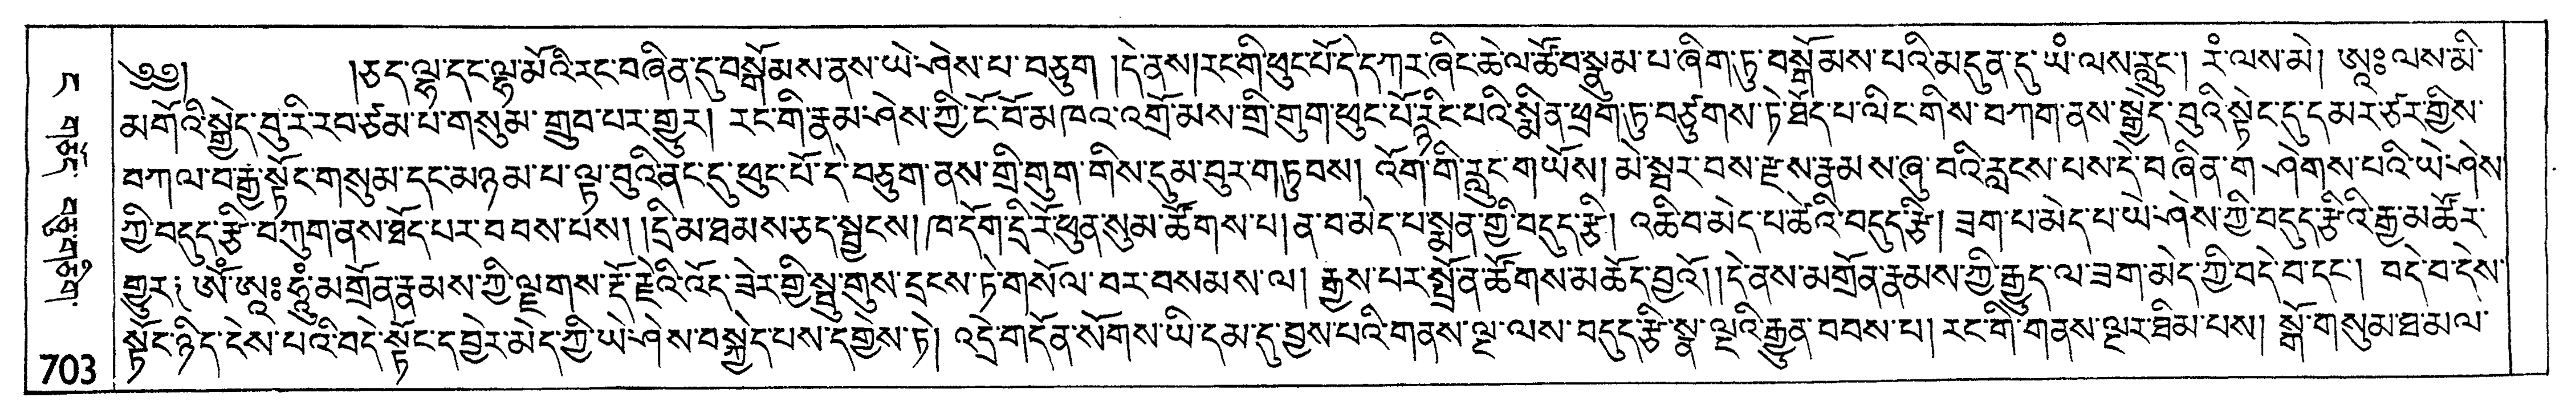༄༅། །ཅད་ལྷ་དང་ལྷ་མོའི་རང་བཞིན་དུ་བསྒོམས་ནས་ཡེ་ཤེས་པ་བཅུག །དེ་ནས། རང་གི་ཕུང་པོ་དེ་དཀར་ཞིང་ཆེ་ལ་ཚོ་བ་སྣུམ་པ་ཞིག་ཏུ་བསྒོམས་པའི་མདུན་དུ་ཡཾ་ལས་རླུང་། རཾ་ལས་མེ། ཨཱཿ ལས་མི་
མགོའི་སྒྱེད་བུ་རི་རབ་ཙམ་པ་གསུམ་གྲུབ་པར་གྱུར། རང་གི་རྣམ་ཤེས་ཀྱི་ངོ་བོ་མཁའ་འགྲོ་མས་གྲི་གུག་ཕུང་པོ་རྙིང་པའི་སྨིན་ཕྲག་ཏུ་བཙུགས་ཏེ་ཐོད་པ་ལིང་གིས་བཀག་ནས་སྒྱེད་བུའི་སྟེང་དུ་དམར་ཙར་གྱིས་
ཕ༹བཀལ་བ་རྒྱ་སྟོང་གསུམ་དང་མཉམ་པ་ལྟ་བུའི་ནང་དུ་ཕུང་པོ་དེ་བཅུག་ནས་གྲི་གུག་གིས་དུམ་བུར་གཏུབས། འོག་གི་རླུང་གཡོས། མེ་སྦར་བས་རྫས་རྣམས་ཞུ་བའི་རླངས་པས་དེ་བཞིན་གཤེགས་པའི་ཡེ་ཤེས་
ཀྱི་བདུད་རྩི་བཀུག་ནས་ཐོད་པར་བབས་པས། །དྲི་མ་ཐམས་ཅད་སྦྱངས། ཁ་དོག་དྲི་རོ་ཕུན་སུམ་ཚོགས་པ། ན་བ་མེད་པ་སྨན་གྱི་བདུད་རྩི། འཆི་བ་མེད་པ་ཚེའི་བདུད་རྩི། ཟག་པ་མེད་པ་ཡེ་ཤེས་ཀྱི་བདུད་རྩིའི་རྒྱ་མཚོར་
གྱུར། ཨོཾ་ཨཱཿ ཧཱུཾ་མགྲོན་རྣམས་ཀྱི་ལྗགས་རྡོ་རྗེའི་འོད་ཟེར་གྱི་སྦུ་གུས་དྲངས་ཏེ་གསོལ་བར་བསམས་ལ། རྒྱས་པར་སྤྲོ་ན་ཚོགས་མཆོད་བྱའོ། །དེ་ནས་མགྲོན་རྣམས་ཀྱི་རྒྱུད་ལ་ཟག་མེད་ཀྱི་བདེ་བ་དང་། བདེ་བ་དེས་
སྟོང་ཉིད་ངེས་པའི་བདེ་སྟོང་དབྱེར་མེད་ཀྱི་ཡེ་ཤེས་བསྐྱེད་པས་དགྱེས་ཏེ། འདྲེ་གདོན་སོགས་ཡི་དམ་དུ་བྱས་པའི་གནས་ལྔ་ལས་བདུད་རྩི་སྣ་ལྔའི་རྒྱུན་བབས་པ། རང་གི་གནས་ལྔར་ཐིམ་པས། སྒོ་གསུམ་ཐ་མལ་